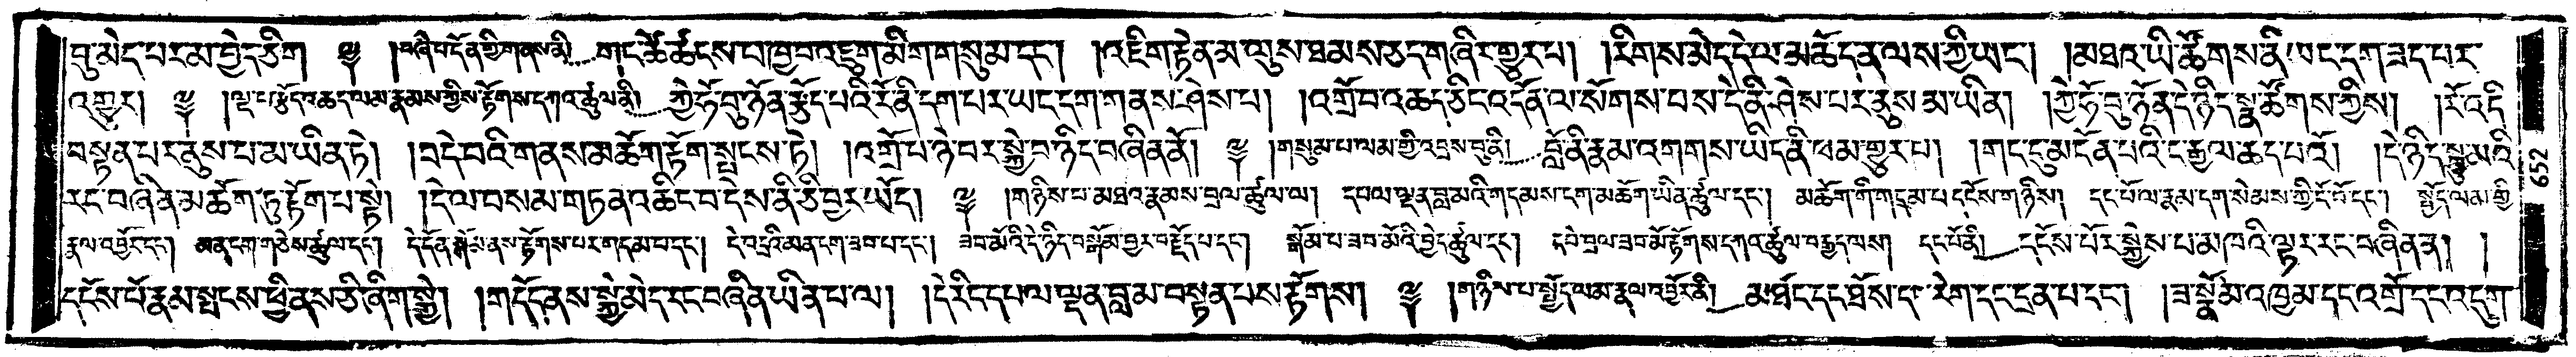བུ་མེད་པར་མ་བྱེད་ཅིག ༈ །བཞི་པ་དོན་གྱི་གནས་ནི། གང་ཚེ་ཚངས་པ་ཁྱབ་འཇུག་མིག་གསུམ་དང་། །འཇིག་རྟེན་མ་ལུས་ཐམས་ཅད་གཞིར་གྱུར་པ། །རིགས་མེད་དེ་ལ་མཆོད་ན་ལས་ཀྱི་ཡང་། །མཐའ་ཡི་ཚོགས་ནི་ཡང་དག་ཟད་པར་
འགྱུར། ༈ །ལྔར་རྩོད་འཆད་ལམ་རྣམས་ཀྱིས་རྟོགས་དཀའ་ཚུལ་ནི། ཀྱེ་ཧོ་བུ་ཉོན་རྩོད་པའི་རོ་ནི་དག་པར་ཡང་དག་གནས་ཤེས་པ། །འགྲོ་བ་འཆད་ཅིང་འདོན་ལ་སོགས་པས་དེ་ནི་ཤེས་པར་ནུས་མ་ཡིན། །ཀྱེ་ཧོ་བུ་ཉོན་དེ་ཉིད་སྣ་ཚོགས་ཀྱིས། །རོ་འདི་
བསྟན་པར་ནུས་པ་མ་ཡིན་ཏེ། །བདེ་བའི་གནས་མཆོག་རྟོག་སྤངས་ཏེ། །འགྲོ་པ་ཉེ་བར་སྐྱེ་བ་ཉིད་བཞིན་ནེ། ༈ །གསུམ་པ་ལམ་གྱི་འབྲས་བུ་ནི། བློ་ནི་རྣམ་འགགས་ཡིད་ནི་ཕམ་གྱུར་པ། །གང་དུ་མངོན་པའི་ང་རྒྱལ་ཆད་པའོ། །དེ་ཉིད་སྒྱུ་མའི་
རང་བཞིན་མཆོག་ཏུ་རྟོག་པ་སྟེ། །དེ་ལ་བསམ་གཏན་འཆིང་བ་དེས་ནི་ཅི་བྱར་ཡོད། ༈ །གཉིས་པ་མཐའ་རྣམས་བྲལ་ཚུལ་ལ། དཔལ་ལྡན་བླ་མའི་གདམས་ངག་མཆོག་ཡིན་ཚུལ་དང་། མཆོག་གི་གདམ་པ་དངོས་གཉིས། དང་པོ་ལ་རྣམ་དག་སེམས་ཀྱི་ངོ་བོ་དང་། སྤྱོད་ལམ་གྱི་
རྣལ་འབྱོར་དང་། མན་ངག་གཅེས་ཚུལ་དང་། དེ་དོན་སྒོམ་ནས་རྟོགས་པར་གདམ་པ་དང་། དེ་འདྲའི་མན་ངག་ཟབ་པ་དང་། ཟབ་མོའི་དེ་ཉིད་བསྒོམ་བྱར་བརྗོད་པ་དང་། སྒོམ་པ་ཟབ་མོའི་བྱེད་ཚུལ་དང་། དཔེ་བྲལ་ཟབ་མོ་རྟོགས་དཀའ་ཚུལ་བརྒྱད་ལས། དང་པོ་ནི། དངོས་པོར་སྐྱེས་པ་མཁའི་ལྟར་རང་བཞིན་ན། །
དངོས་པོ་རྣམ་སྤངས་ཕྱི་ནས་ཅི་ཞིག་སྐྱེ། །གདོད་ནས་སྐྱེ་མེད་རང་བཞིན་ཡིན་པ་ལ། །དེ་རིང་དཔལ་ལྡན་བླ་མ་བསྟན་པས་རྟོགས། ༈ །གཉིས་པ་སྤྱོད་ལམ་རྣལ་འབྱོར་ནི། མཐོང་དང་ཐོས་དང་རེག་དང་དྲན་པ་དང་། །ཟ་སྣོམ་འཁྱམ་དང་འགྲོ་དང་འདུག་